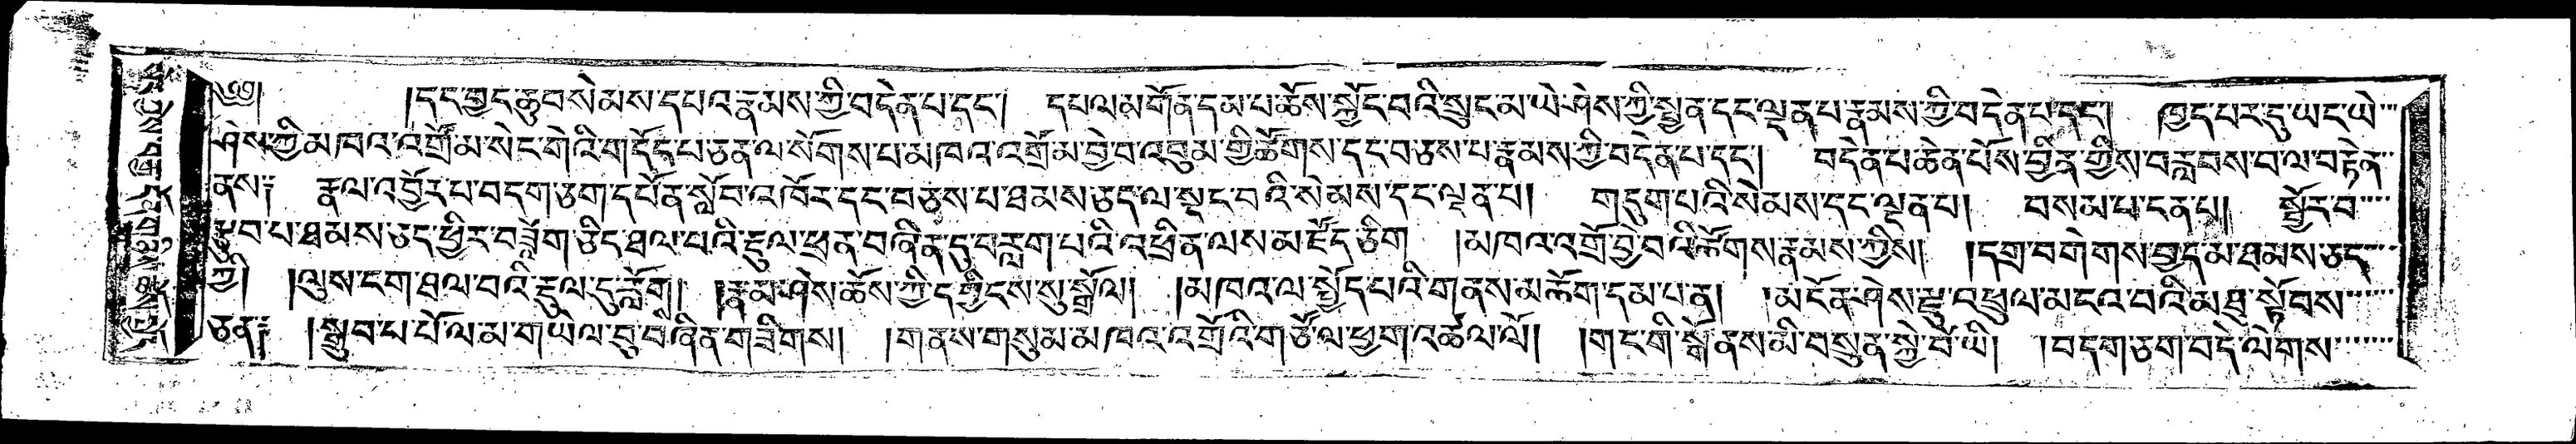༄༅། །དང་བྱང་ཆུབ་སེམས་དཔའ་རྣམས་ཀྱི་བདེན་པ་དང་། དཔལ་མགོན་དམ་པ་ཆོས་སྐྱོང་བའི་སྲུང་མ་ཡེ་ཤེས་ཀྱི་སྤྱན་དང་ལྡན་པ་རྣམས་ཀྱི་བདེན་པ་དང་། ཁྱད་པར་དུ་ཡང་ཡེ་
ཤེས་ཀྱི་མཁའ་འགྲོ་མ་སེང་གེའི་གདོང་པ་ཅན་ལ་སོགས་པ་མཁའ་འགྲོ་མ་བྱེ་བ་འབུམ་གྱི་ཚོགས་དང་བཅས་པ་རྣམས་ཀྱི་བདེན་པ་དང་། བདེན་པ་ཆེན་པོས་བྱིན་གྱིས་བརླབས་པ་ལ་བརྟེན་
ནས༑ རྣལ་འབྱོར་པ་བདག་ཅག་དཔོན་སློབ་འཁོར་དང་བཅས་པ་ཐམས་ཅད་ལ་སྡང་བའི་སེམས་དང་ལྡན་པ། གདུག་པའི་སེམས་དང་ལྡན་པ། བསམ་པ་ངན་པ། སྦྱོར་བ་
རྩུབ་པ་ཐམས་ཅད་ཕྱིར་བཟློག་ཅིང་ཐལ་བའི་རྡུལ་ཕྲན་བཞིན་དུ་བརླག་པའི་འཕྲིན་ལས་མཛོད་ཅིག །མཁའ་འགྲོ་བྱེ་བའི་ཚོགས་རྣམས་ཀྱིས། །དགྲ་བགེགས་བྱད་མ་ཐམས་ཅད་
ཀྱི། །ལུས་ངག་ཐལ་བའི་རྡུལ་དུ་རློགས། །རྣམ་ཤེས་ཆོས་ཀྱི་དབྱིངས་སུ་སྒྲོལ། །མཁའ་ལ་སྤྱོད་པའི་གནས་མཆོག་དམ་པ་ན། །མངོན་ཤེས་རྫུ་འཕྲུལ་མངའ་བའི་མཐུ་སྟོབས་
ཅན༑ །སྒྲུབ་པ་པོ་ལ་མ་གཡེལ་བུ་བཞིན་གཟིགས། །གནས་གསུམ་མཁའ་འགྲོའི་གཙོ་ལ་ཕྱག་འཚལ་ལོ། །གང་གི་སྒོ་ནས་མི་བསྲུན་སྐྱེ་བོ་ཡི། །བདག་ཅག་བདེ་ལེགས་